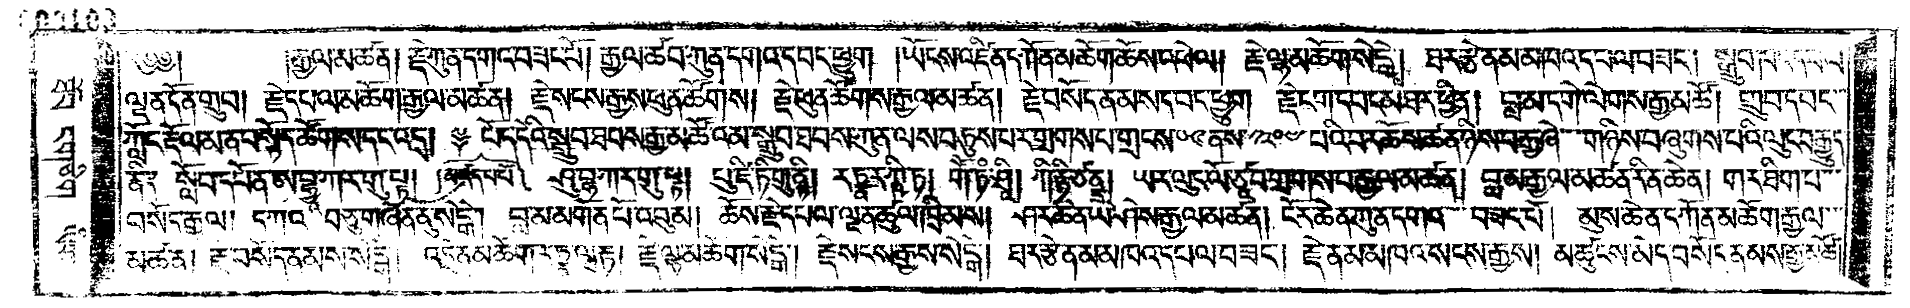༄༅། །རྒྱལ་མཚན། རྗེ་ཀུན་དགའ་བཟང་པོ། རྒྱལ་ཚབ་ཀུན་དགའ་དབང་ཕྱུག །ཡོངས་འཛིན་དཀོན་མཆོག་ཆོས་འཕེལ། རྗེ་ལྷ་མཆོག་སེངྒེ། ཐར་རྩེ་ནམ་མཁའ་དཔལ་བཟང་། སྒྲུབ་ཁང་དཔལ་
ལྡན་དོན་གྲུབ། རྗེ་དཔལ་མཆོག་རྒྱལ་མཚན། རྗེ་སངས་རྒྱས་ཕུན་ཚོགས། རྗེ་ཕུན་ཚོགས་རྒྱལ་མཚན། རྗེ་བསོད་ནམས་དབང་ཕྱུག་རྗེ་ངག་དབང་མཐར་ཕྱིན། བླ་མ་དགེ་ལེགས་རྒྱ་མཚོ། གྲུབ་དབང་
ཀློང་རྡོལ་མན་བསྟོད་ཚོགས་དང་འདྲ། ༈ པོད་དེའི་སྒྲུབ་ཐབས་རྒྱ་མཚོ་འམ་སྒྲུབ་ཐབས་ཀུན་ལས་བཏུས་པར་གྲགས་པ་གྲངས ༦༩་ནས ༣༠༤་པའི་བར་ཆོས་ཚན་ཉིས་བརྒྱ་ཞེ་གཉིས་བཞུགས་པའི་ལུང་བརྒྱུད་
ནི༑ སློབ་དཔོན་ཨ་བྷྱཱ་ཀ་ར་གུཔྟ། མཛད་པ་པ྄ོ་ཤུ་བྷ་ཀ་ར་གུཔྟ། པུ་ཛི་ཏི་གུ་ནྟི། རཏྣ་རཀྵི་ཏ། གཽ་ཏཾ་ཤྲཱི། ཀི་རྟི་ཙནྡྲ། ཡར་ལུང་ལོ་ཙཱ་བ་གྲགས་པ་རྒྱལ་མཚན། བླ་མ་རྒྱལ་མཚན་རིན་ཆེན། གར་ཐིག་པ་
བསོད་རྒྱལ། དཀའ་བཅུ་གཞོན་ནུ་སེངྒེ། བླ་མ་མགོན་པོ་འབུམ། ཆོས་རྗེ་དཔལ་ལྡན་ཚུལ་ཁྲིམས། ཤར་ཆེན་ཡེ་ཤེས་རྒྱལ་མཚན། ངོར་ཆེན་ཀུན་དགའ་བཟང་པོ། མུས་ཆེན་དཀོན་མཆོག་རྒྱལ་
མཚན། རྗེ་བསོད་ནམས་སེངྒེ། འདྲེན་མཆོག་རཏྣ་ལྭརྟ། རྗེ་ལྷ་མཆོག་སེངྒེ། རྗེ་སངས་རྒྱས་སེངྒེ། ཐར་རྩེ་ནམ་མཁའ་དཔལ་བཟང་། རྗེ་ནམ་མཁའ་སངས་རྒྱས། མཚུངས་མེད་བསོད་ནམས་རྒྱ་མཚོ།